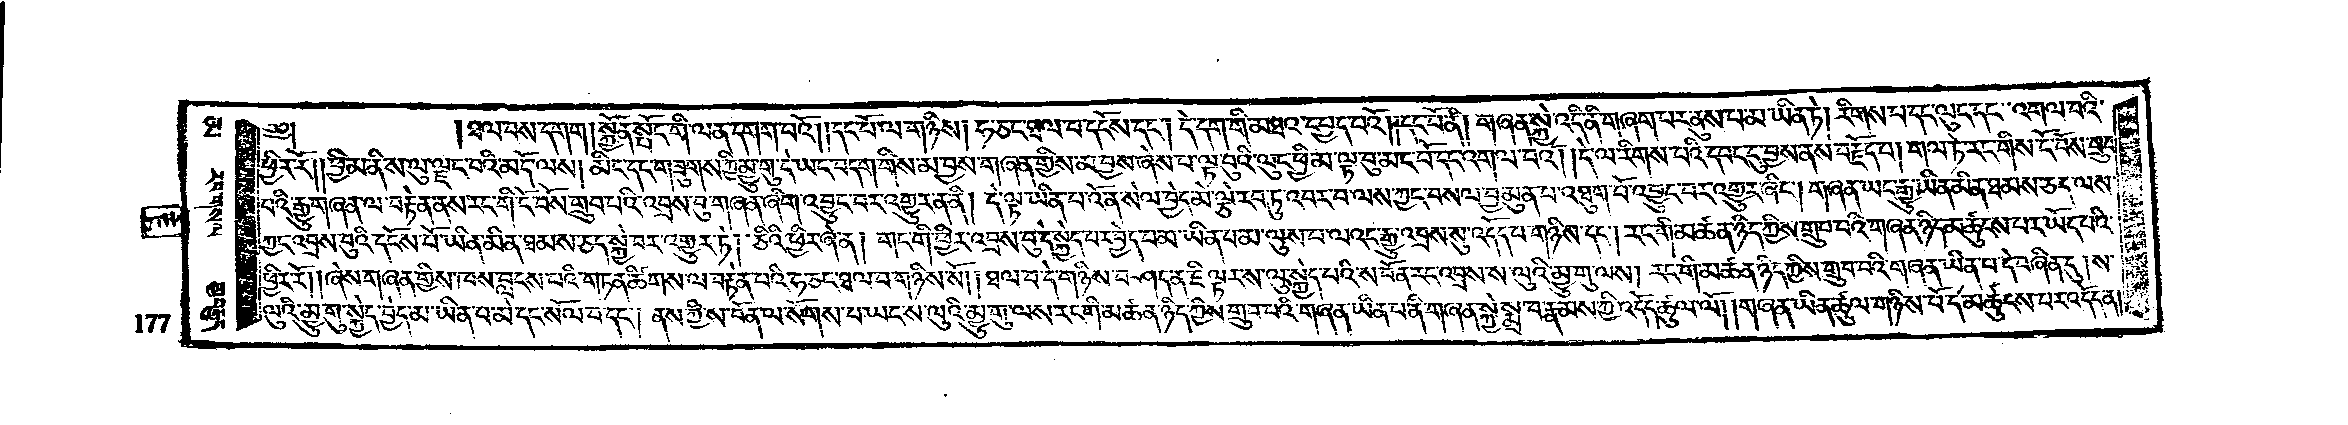༄༅། །ཐལ་བས་དགག །སྐྱོན་སྤོང་གི་ལན་དགག་པའོ། །དང་པོ་ལ་གཉིས། ཧ་ཅང་ཐལ་བ་དངོས་དང་། དེ་དག་གི་མཐའ་དཔྱད་པའོ། །དང་པོ་ནི། གཞན་སྐྱེ་འདི་ནི་གཞག་པར་ནུས་པ་མ་ཡིན་ཏེ། རིགས་པ་དང་ལུང་དང་འགལ་བའི་
ཕྱིར་རོ། །ཕྱི་མ་ནི་ས་ལུ་ལྗང་བའི་མདོ་ལས། མིང་དང་གཟུགས་ཀྱི་མྱུ་གུ་དེ་ཡང་བདག་གིས་མ་བྱས་གཞན་གྱིས་མ་བྱས་ཞེས་པ་ལྟ་བུའི་ལུང་ཕྱི་མ་ལྟ་བུ་མང་པོ་དང་འགལ་བའོ། །དེ་ལ་རིགས་པའི་དབང་དུ་བྱས་ནས་བརྗོད་པ། གལ་ཏེ་རང་གིས་ངོ་བོས་གྲུབ་
པའི་རྒྱུ་གཞན་ལ་བརྟེན་ནས་རང་གི་ངོ་བོས་གྲུབ་པའི་འབྲས་བུ་གཞན་ཞིག་འབྱུང་བར་འགྱུར་ན་ནི། དེ་ལྟ་ཡིན་པ་འོ་ན་སེལ་བྱེད་མེ་ལྕེ་རབ་ཏུ་འབར་བ་ལས་ཀྱང་བསལ་བྱ་མུན་པ་འཐུག་པོ་འབྱུང་བར་འགྱུར་ཞིང་། གཞན་ཡང་རྒྱུ་ཡིན་མིན་ཐམས་ཅད་ལས་
ཀྱང་འབྲས་བུའི་དངོས་པོ་ཡིན་མིན་ཐམས་ཅད་སྐྱེ་བར་འགྱུར་ཏེ། ཅིའི་ཕྱིར་ཞེ་ན། གང་གི་ཕྱིར་འབྲས་བུ་དེ་སྐྱེད་པར་བྱེད་པ་མ་ཡིན་པ་མ་ལུས་པ་ལའང་རྒྱུ་འབྲས་སུ་འདོད་པ་གཉིས་དང་། རང་གི་མཚན་ཉིད་ཀྱིས་གྲུབ་པའི་གཞན་ཉིད་མཚུངས་པར་ཡོད་པའི་
ཕྱིར་རོ། །ཞེས་གཞན་གྱིས་ཁས་བླངས་པའི་གཏན་ཚིགས་ལ་བརྟེན་པའི་ཧ་ཅང་ཐལ་བ་གཉིས་སོ། །ཐལ་བ་དེ་གཉིས་བཤད་ན་ཇི་ལྟར་ས་ལུ་སྐྱེད་པའི་ས་བོན་རང་འབྲས་ས་ལུའི་མྱུ་གུ་ལས། རང་གི་མཚན་ཉིད་ཀྱིས་གྲུབ་པའི་གཞན་ཡིན་པ་དེ་བཞིན་དུ། ས་
ལུའི་མྱུ་གུ་སྐྱེད་བྱེད་མ་ཡིན་པ་མེ་དང་སོལ་བ་དང་། ནས་ཀྱི་ས་བོན་ལ་སོགས་པ་ཡང་ས་ལུའི་མྱུ་གུ་ལས་རང་གི་མཚན་ཉིད་ཀྱིས་གྲུབ་པའི་གཞན་ཡིན་པ་ནི་གཞན་སྐྱེ་སྨྲ་བ་རྣམས་ཀྱི་འདོད་ཚུལ་ལོ། །གཞན་ཡིན་ཚུལ་གཉིས་པོ་དེ་མཚུངས་པར་འདོད་ན།